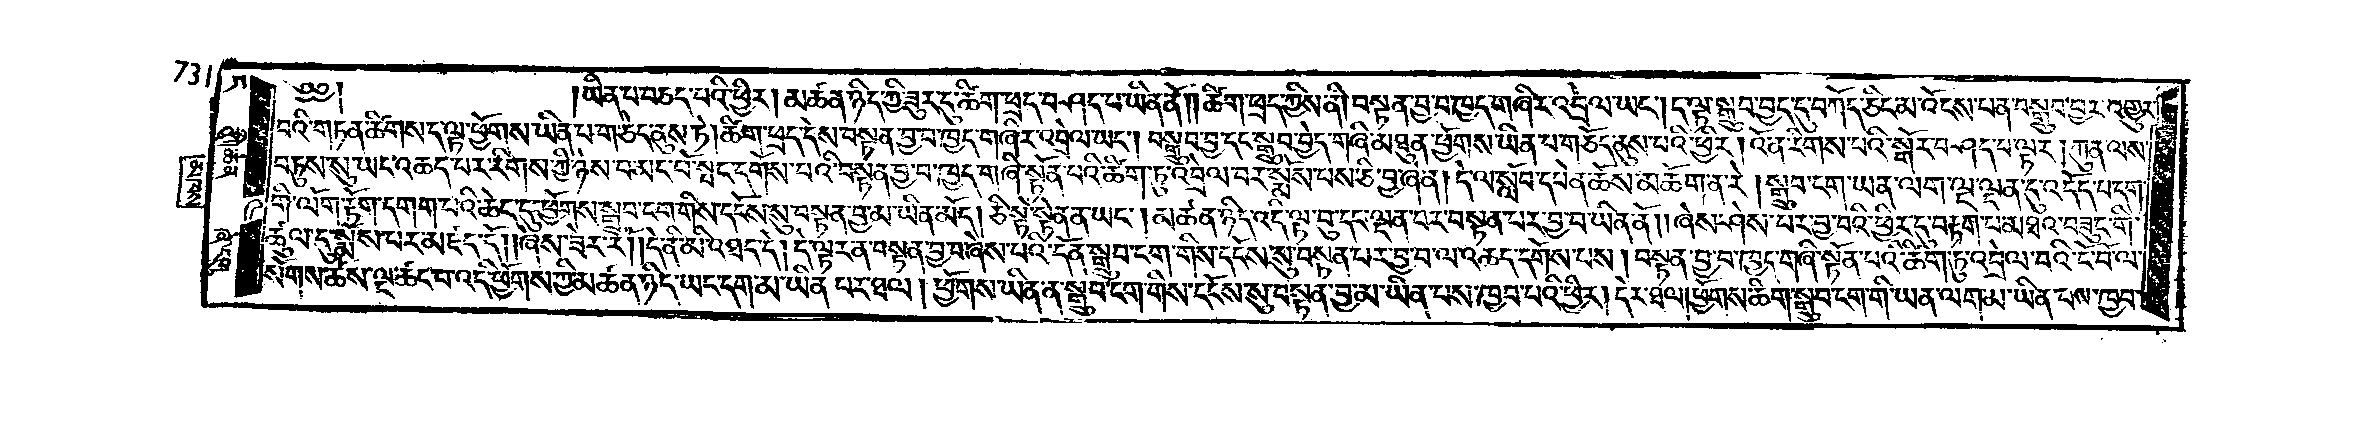༄༅། །ཡིན་པ་བཅད་པའི་ཕྱིར། མཚན་ཉིད་ཀྱི་ཟུར་དུ་ཚིག་ཕྲད་བསཧད་པ་ཡིན་ནོ། །ཚིག་ཕྲད་ཀྱིས་ནི། བསྟན་བྱ་བ་ཁྱད་གཞིར་འབྲེལ་ཡང་། ད་ལྟ་སྒྲུབ་བྱད་དུ་བདོད་ཅིང་མ་འོངས་པ་ན་བསྒྲུབ་བྱར་འགྱུར་
བའི་གཏན་ཚིགས་ད་ལྟ་ཕྱོགས་ཡིན་པ་གཅོད་ནུས་ཏེ། ཚིག་ཕྲད་དེས་བསྟན་བྱ་བ་ཁྱད་གཞིར་འབྲེལ་ཡང་། བསྒྲུབ་བྱ་དང་སྒྲུབ་བྱེད་གཞི་མཐུན་ཕྱོགས་ཡིན་པ་གཅོད་ནུས་པའི་ཕྱིར། འོ་ན་རིགས་པའི་སྒོར་བཤད་པ་ལྟར། ཀུན་ལས་
བཏུས་སུ་ཡང་འཆད་པར་རིགས་ཀྱི་ཉེས་བ་མང་བོ་སྤང་དགོས་པའི་བསྟན་བྱ་བ་ཁཡད་གཞི་སྟོན་པའི་ཚིག་ཏུ་འབྲེལ་བར་སྨོས་པས་ཅི་བྱ་ཞེ་ན། དེ་ལ་སློབ་དཔོན་ཆོས་མཆོག་ན་རེ། སྒྲུབ་ངག་ཡན་ལག་ལྔ་ལྡན་དུ་འདོད་པ་དག་
གི་ལོག་རྟོག་དགག་པའི་ཆེ་དྡུ་ཕྱོགས་སྒྲུབ་ངག་གིས་དངོས་སུ་བསྟན་བྱ་མ་ཡིན་མོད། ཅི་སྟེ་སྟེན་ན་ཡང་། མཚན་ཉིད་འདི་ལྟ་བུ་དང་ལྡན་པར་བསྟན་པར་བྱ་བ་ཡིན་ནོ། །ཞེས་ཤེས་པར་བྱ་བའི་ཕྱིར་ཏུ་བརྟག་པ་མཐའ་བསུང་གི་
ཚུལ་དུ་སྨོས་པར་མཛད་དོ། །ཞེས་ཟེར་རོ། །དེ་ནི་མི་འཐད་དེ། དེ་ལྟར་ན་བསྟན་བྱ་བ་ཞེས་པའི་དོན་སྒྲུབ་ངག་གིས་དངོས་སུ་བསྟན་པར་བྱ་བ་ལ་འཆད་དགོས་པས། བསྟན་བྱ་བ་ཁྱད་གཞི་སྟོན་པའི་ཚིག་ཏུ་འབྲེལ་བའི་ངོ་བོ་ལ་
སོགས་ཆོས་ལྔ་ཚང་བ་འདི་ཕྱོགས་ཀྱི་མཚན་ཉིད་ཡང་དག་མ་ཡིན་པར་ཐལ། ཕྱོགས་ཡིན་ན་སྒྲུབ་ངག་གིས་དངོས་སུ་བསྟན་བྱ་མ་ཡིན་པས་ཁྱབ་པའི་ཕྱིར། དེར་ཐལ། ཕྱོགས་ཆིག་སྒྲུབ་ངག་གི་ཡན་ལག་མ་ཡིན་པས་ཁྱབ་